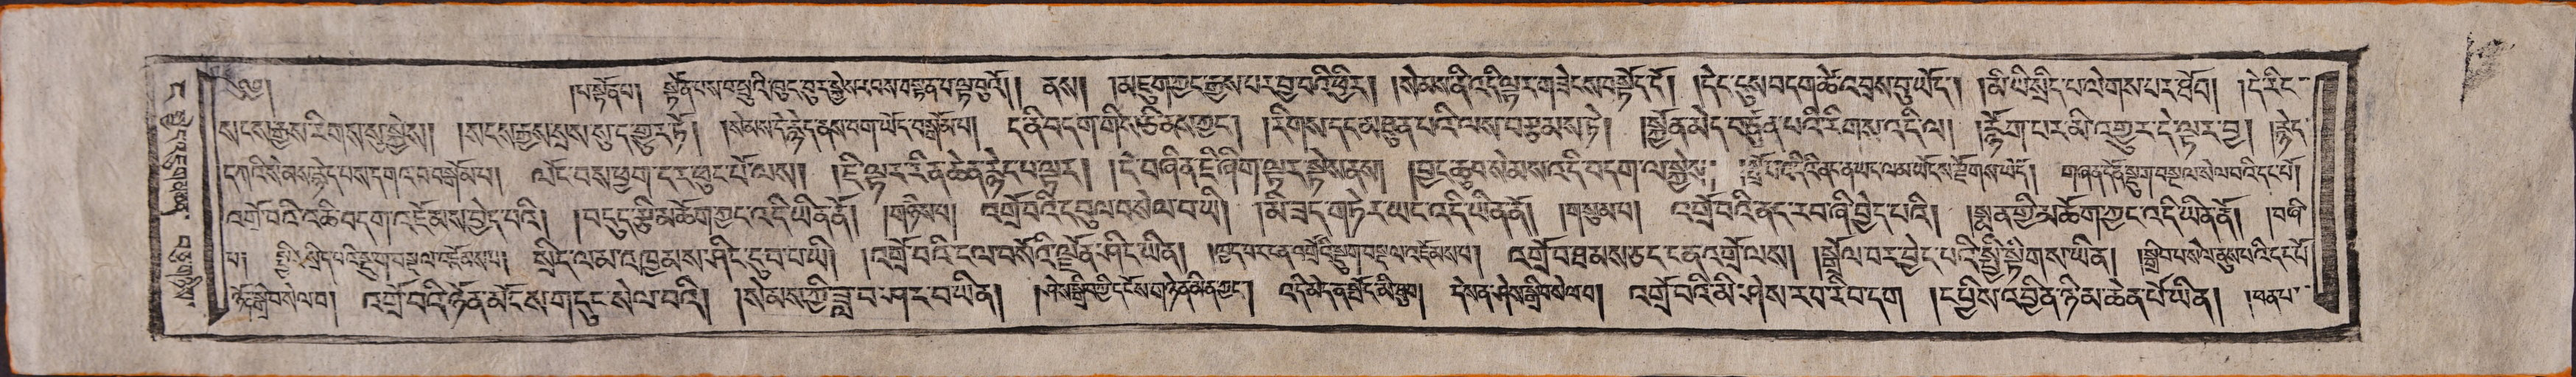༄༅། །བསྟོན་པ། སྟོན་པས་བ་སྤུའི་ཁུང་བུར་སྐྱེས་རབས་བསྟན་པ་ལྟ་བུའོ།། ནས། །མཇུག་ཀྱང་རྒྱས་བར་བྱ་བའི་ཕྱིར། །སེམས་ནི་འདི་ལྟར་གཟེངས་བསྟོད་དོ། །དེང་དུས་བདག་ཚེ་འབྲས་བུ་ཡོད། །མི་ཡི་སྲིད་པ་ལེགས་པར་ཐོབ། །དེ་རིང་
སངས་རྒྱས་རིགས་སུ་སྐྱེས། །སངས་རྒྱས་སྲས་སུད་གྱུར་ཏོ། །སེམས་དེ་རྙེད་ནས་བག་ཡོད་བསྒོམ་པ།  དེ་ནི་བདག་གིས་ཅི་ནས་ཀྱང་། །རིགས་དང་མཐུན་པའི་ལས་བརྩམས་ཏེ། །སྐྱོན་མེད་བཙུན་པའི་རིགས་འདི་ལ། །རྙོག་པར་མི་འགྱུར་དེ་ལྟར་བྱ། །རྙེད་
དཀའི་སེམས་རྙེད་པས་དགའ་བ་བསྒོམ་པ། ལོང་བས་ཕྱག་དར་ཕུང་པོ་ལས། །ཇི་ལྟར་རིན་ཆེན་རྙེད་པ་ལྟར། །དེ་བཞིན་ཇི་ཞིག་ལྟར་སྟེས་ནས། །བྱང་ཆུབ་སེམས་འདི་བདག་ལ་སྐྱེས། །སྤྲོ་བ་འདིའི་ནང་ན་ཡང་ལམ་ཡོངས་རྫོགས་ཡོད། གཞན་དོན་སྡུག་བསྔལ་སེལ་བའི་དཔའ་བོ།
འགྲོ་བའི་འཆི་བདག་འཇོམས་བྱེད་པའི། །བདུད་རྩི་མཆོག་འདི་ཡིན་ནོ། །གཉིས་པ།  འགྲོ་བའི་དབུལ་བསེལ་པ་ཡི། །མི་ཟད་གཏེར་ཡང་འདི་ཡིན་ནོ། །གསུམ་པ།  འགྲོ་བའི་ནད་རབ་ཞི་བྱེད་པའི། །སྨན་གྱི་མཆོག་ཀྱང་འདི་ཡིན་ནོ། །བཞི་
པ༑ སྤྱིར་སྲིད་པའི་སྡུག་བསྔལ་འཇོམས་པ། སྲིད་ལམ་འཁྱམས་ཤིང་དུབ་པ་ཡི། །འགྲོ་བའི་ངལ་བསེའི་ལྗོན་ཤིང་ཡིན། །ཁྱད་པར་ངན་འགྲོའི་སྡུག་བསྔལ་འཇོམས་པ།  འགྲོ་བ་ཐམས་ཅད་ངན་འགྲོ་ལས། །སྒྲོལ་བར་བྱེད་པའི་སྤྱི་སྟེགས་ཡིན། །སྒྲིབ་བསེལ་ནུས་པའི་དང་པོ་
ཉོན་སྒྲིབ་སེལ་བ། འགྲོ་བའི་ཉོན་མོངས་གདུང་སེལ་བའི། །སེམས་ཀྱི་ཟླ་བ་ཤར་བ་ཡིན། ཤེས་སྒྲིབ་ཀྱི་དངོས་གཉེན་མིན་ཀྱང་། འདི་མེད་ན་སྤོང་མི་ཐུབ། དེས་ན་ཤེས་སྒྲིབ་སེལ་བ།  འགྲོ་བའི་མི་ཤེས་རབ་རིབ་དག །དཔྱིས་འབྱིན་ཉི་མ་ཚན་པོ་ཡིན། ཕན་པ་